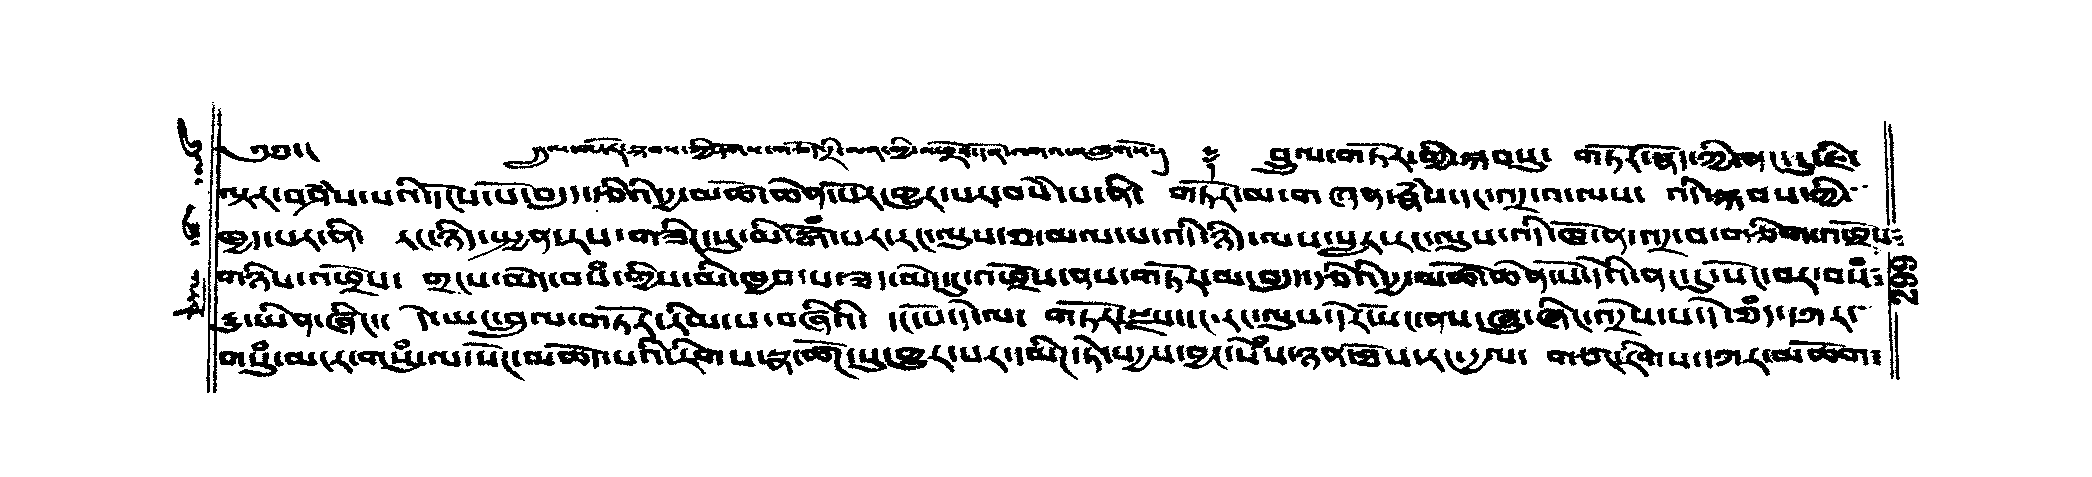བྲུལ་གཏོར་སྐབས་ཀྱི་དོགས་གཅོད་དྲི་ལན་གྱི་འཕྲོས་དོན་འགའ་བཞུགས་སོ། བྲུལ་གཏོར་གྱི་སྐབས་སུ། གཏོར་སྣོད་ཀྱི་ནང་དུ་ཇི་
ལྟར་བཤམས་པའི་དངོས་པོ་བདུད་རྩིའི་རྒྱ་མཚོ་ཆེན་པོར་གྱུར་པར་བསམ་པ་ནི། ་་་་་་་འདི་སྐབས་ཀྱི་
ཁྱད་པར་ནི། རང་ཉིད་སྤྱན་རས་གཟིགས་སུ་མི་བསྒོམ་པར་རང་ལུས་ཐ་མལ་པ་འདི་ཉིད་ལས་སླར་རང་ལུས་འདི་ཁོ་ན་འདྲ་བ་གཅིག་འཕྲོས། 
གཉིས་འཕྲོས། གྲངས་མེད་བསམ་གྱིས་མི་ཁྱབ་པ་ཟད་མེད་དུ་འཕྲོས་ནས་གཏོར་མ་བདུད་རྩིའི་རྒྱ་མཚོ་ཆེན་པོ་དེའི་ནང་དུ་སོང་བར་བསམ་
རྒྱུ་ཡིན་ཞིང་། དེ་ཡང་བྲུལ་གཏོར་རིམ་པ་བཞིའི་དང་པོ་དེ་ལ། གཏོར་རྫས་དང་རང་ལུས་དེར་སོང་ནས་ཞུ་ཞིང་འདྲེས་པ་དེ་ཐམས་ཅད་དཀར་
གསུམ་མངར་གསུམ་ལ་སོགས་མཆོད་པའི་རིགས་སྣ་ཚོགས་སུ་གྱུར་པར་དམིགས་ཏེ་བྱང་སེམས་ཉན་ཐོས་རང་རྒྱལ། གཙང་རིགས་དཀར་མཆོག་